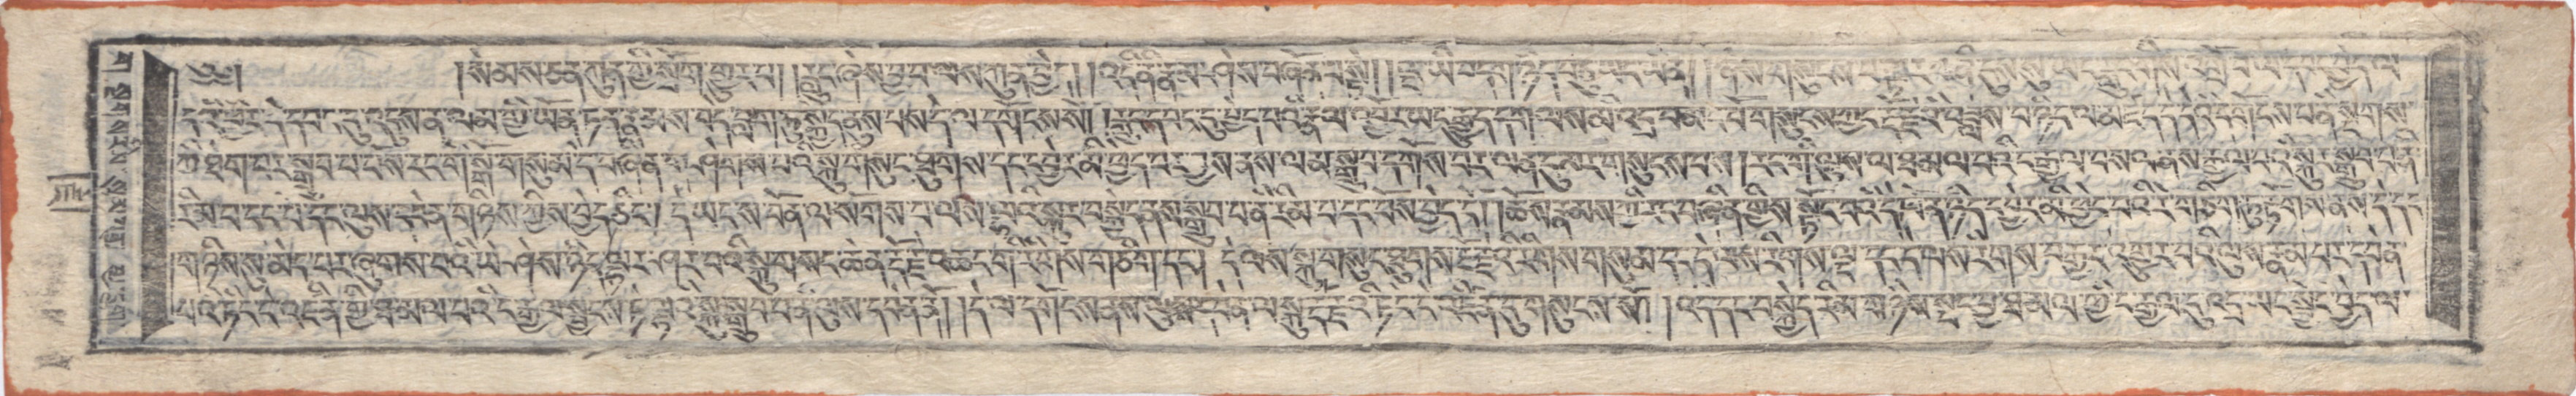༄༅། །སེམས་ཅན་ཀུན་གྱི་སྲོག་གྱུར་པ། །རླུང་ཞེས་བྱ་བ་ལས་ཀུན་བྱེད། །འདི་ནི་རྣམ་ཤེས་བཞོན་པ་སྟེ། །ལྔ་ཡི་བདག་ཉིད་བཅུ་ཡང་ཡིན། །ཞེས་གསུངས་པ་ལྟར་བཞི་དུས་སུ་ཡང་རླུང་གིས་འགྲོ་བ་ལ་དབང་བྱེད་ལ་
དེའི་ཕྱིར་དེ་དབང་དུ་འདུས་ན་ལམ་གྱི་ཡོན་ཏན་རྣམས་བདེ་བླག་ཏུ་སྐྱེད་ནུས་པས་དེ་ལ་དགོངས་སོ། །རླུང་དབང་དུ་བྱེད་པའི་རྣལ་འབྱོར་ཡང་རྒྱུད་དག་ལས་མི་འདྲ་བ་མང་པོ་གསུངས་ཀྱང་རྡོ་རྗེའི་བཟླས་པ་ཉིད་ལ་མཛད་དེ་དེའི་དགོངས་པ་ནི་སྔགས་
ཀྱི་ཐེག་པར་སྒྲུབ་པ་པོས་རང་གི་སྒོ་གསུམ་དེ་བཞིན་གཤེགས་པའི་སྐུ་གསུང་ཐུགས་དང་དབྱེར་མི་ཕྱེད་པར་བྱས་ནས་ལམ་སྒྲུབ་དགོས་པར་ལན་དུ་མར་གསུངས་པས། རང་གི་ལྷས་ལ་ཐ་མལ་པའི་ང་རྒྱལ་བསལ་ནས་རྒྱལ་བའི་སྐུར་སྒྲུབ་པ་ནི་
རིམ་པ་དང་པོ་དང་ལུས་དབེན་གཉིས་ཀྱིས་བྱེད་ཅིང་། དེ་ཡང་ས་བོན་ལ་སོགས་པ་ལས་ལྷའི་སྐུར་བསྐྱེད་ནས་སྒྲུབ་པ་ནི་རིམ་པ་དང་པོས་བྱེད་དོ། །ཆོས་རྣམས་ཀྱི་རང་བཞིན་གྱིས་སྟོང་པའི་དེ་ཁོ་ན་ཉིད་དབྱེར་མི་ཕྱེད་པའི་རེ་གཅིག་ཏུ་རྟོགས་ནས་དེ་དང་
གཉིས་སུ་མེད་པར་ཞུགས་པའི་ཡེ་ཤེས་ཉིད་ལྷར་ཤར་བའི་སྐུ་གསང་ཆེན་རྡོ་རྗེ་འཆང་གི་རིགས་གཅིག་དང་། དེ་ལས་སྐུ་གསུང་ཐུགས་རྡོ་རྗེའི་རིགས་གསུམ་དང་དེ་ལས་རིགས་ལྔ་དང་དེ་ལས་རིགས་བརྒྱར་འགྱུར་བའི་ལུས་རྣམ་པར་དབེན་
པའི་ཏིང་ངེ་འཛིན་གྱི་ཐ་མལ་པའི་ང་རྒྱལ་སྦྱངས་ཏེ་ལྷའི་སྐུ་སྒྲུབ་པ་ནི་ལུས་དབེན་ནོ། །དེ་ལ་དགོངས་ནས་ལུས་དབེན་ལ་སྐུ་རྡོ་རྗེའི་ཏིང་ངེ་འཛིན་དུ་གསུངས་སོ། །འདི་དང་བསྐྱེད་རིམ་གཉིས་སྤང་བྱ་ཐ་མལ་གྱི་ང་རྒྱལ་དུ་འདྲ་ཡང་སྦྱོང་བྱེད་ལ་